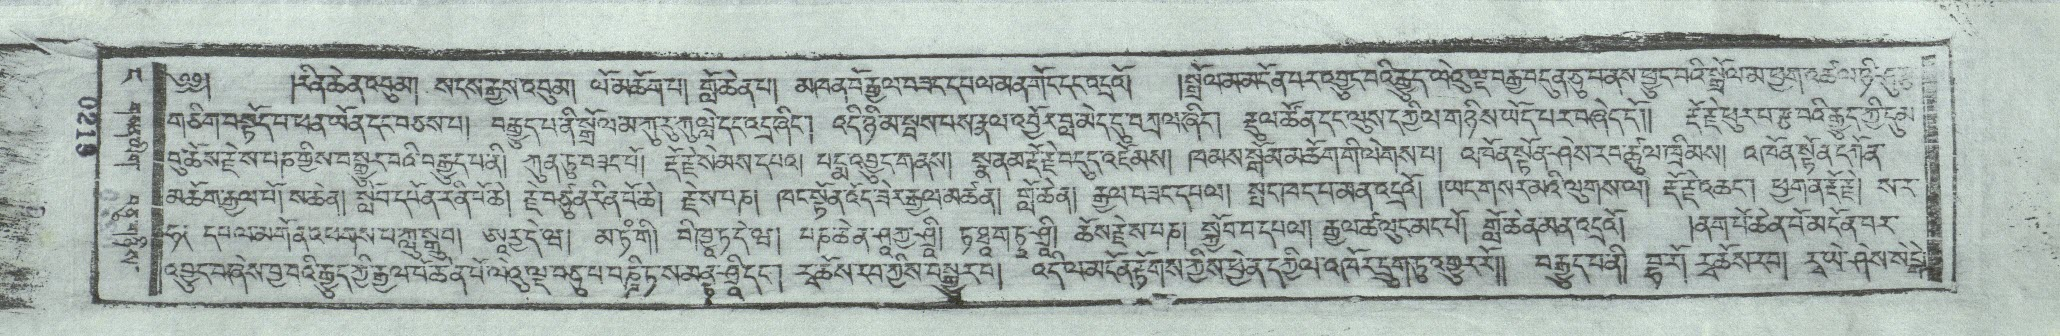༄༅། །རིན་ཆེན་འབུམ། སངས་རྒྱས་འབུམ། ལོ་མཆོག་པ། གློ་ཆེན་པ། མཁན་པོ་རྒྱལ་བཟང་དཔལ་མན་གོང་དང་འདྲའོ། །སྒྲོལ་མ་མངོན་པར་འབྱུང་བའི་རྒྱུད་ལེའུ་ལྔ་བརྒྱ་བདུན་ཅུ་པ་ནས་ཕྱུང་བའི་སྒྲོལ་མ་ཕྱག་འཚལ་ཉི་ཤུ་རྩ་
གཅིག་བསྟོད་པ་ཕན་ཡོན་དང་བཅས་པ། བརྒྱུད་པ་ནི་སྒྲོལ་མ་ཀུ་རུ་ཀུ་ལླེ་དང་འདྲ་ཞིང་། འདི་ཉི་མ་སྦས་པས་རྣལ་འབྱོར་བླ་མེད་དུ་བཀྲལ་ཞིང་། རྡུལ་ཚོན་དང་ལུས་དཀྱིལ་གཉིས་ཡོད་པར་བཞེད་དོ།། རྡོ་རྗེ་ཕུར་པ་རྩ་བའི་རྒྱུད་ཀྱི་དུམ་
བུ་ཆོས་རྗེས་པཎ་གྱིས་བསྒྱུར་བའི་བརྒྱུད་པ་ནི། ཀུན་ཏུ་བཟང་པོ། རྡོ་རྗེ་སེམས་དཔའ། པདམ་འབྱུང་གནས། སྣ་ནམ་རྡོ་རྗེ་བདུད་འཇོམས། ཁམས་སྒོམ་མཆོག་གི་ལེགས་པ། འཁོན་སྟོན་ཤེས་རབ་ཚུལ་ཁྲིམས། འཁོན་སྟོན་དཀོན་
མཆོག་རྒྱལ་པོ། ས་ཆེན། སློབ་དཔོན་རིན་པོ་ཆེ། རྗེ་བཙུན་རིན་པོ་ཆེ། རྗེས་པཎ། ཁང་སྟོན་འོད་ཟེར་རྒྱལ་མཚན། གློ་ཆེན། རྒྱལ་བཟང་དཔལ། སྤང་ཁང་པ་མན་འདྲའོ། །ཡང་གསར་མའི་ལུགས་ལ། རྡོ་རྗེ་འཆང་། ཕྱག་ན་རྡོ་རྗེ། ས་ར་
ཧ༑ དཔལ་མགོན་འཕགས་པ་ཀླུ་སྒྲུབ། ཨཱརྱ་དེ་ཝ། མ་ཏཾ་གི། བི་ཁྱཱ་ཏ་དེ་ཝ། པཎ་ཆེན་ཤཱཀྱ་ཤྲཱི། ཏ་ཐཱ་ག་ཏཱ་ཤྲཱི། ཆོས་རྗེས་པཎ། སྐྱོབ་པ་དཔལ། རྒྱལ་ཚ་ལུང་མང་པོ། གློ་ཆེན་མན་འདྲའོ། །ནག་པོ་ཆེན་པོ་མངོན་པར་
འབྱུང་བཞེས་བྱ་བའི་རྒྱུད་ཀྱི་རྒྱལ་བོ་ཆེན་པོ་ལེའུ་ལྔ་བཅུ་པ་པཎྜི་ཏ་ས་མནྟ་ཤྲཱི་དང་། རྭ་ཆོས་རབ་ཀྱིས་བསྒྱུར་བ། འདི་ལ་མངོན་རྟོགས་ཀྱིས་ཕྱེ་ན་དཀྱིལ་འཁོར་དྲུག་ཏུ་འགྱུར་རོ།། བརྒྱུད་པ་ནི། བྷ་རོ། རྭ་ཆོས་རབ། རྭ་ཡེ་ཤེས་སེངྒེ་